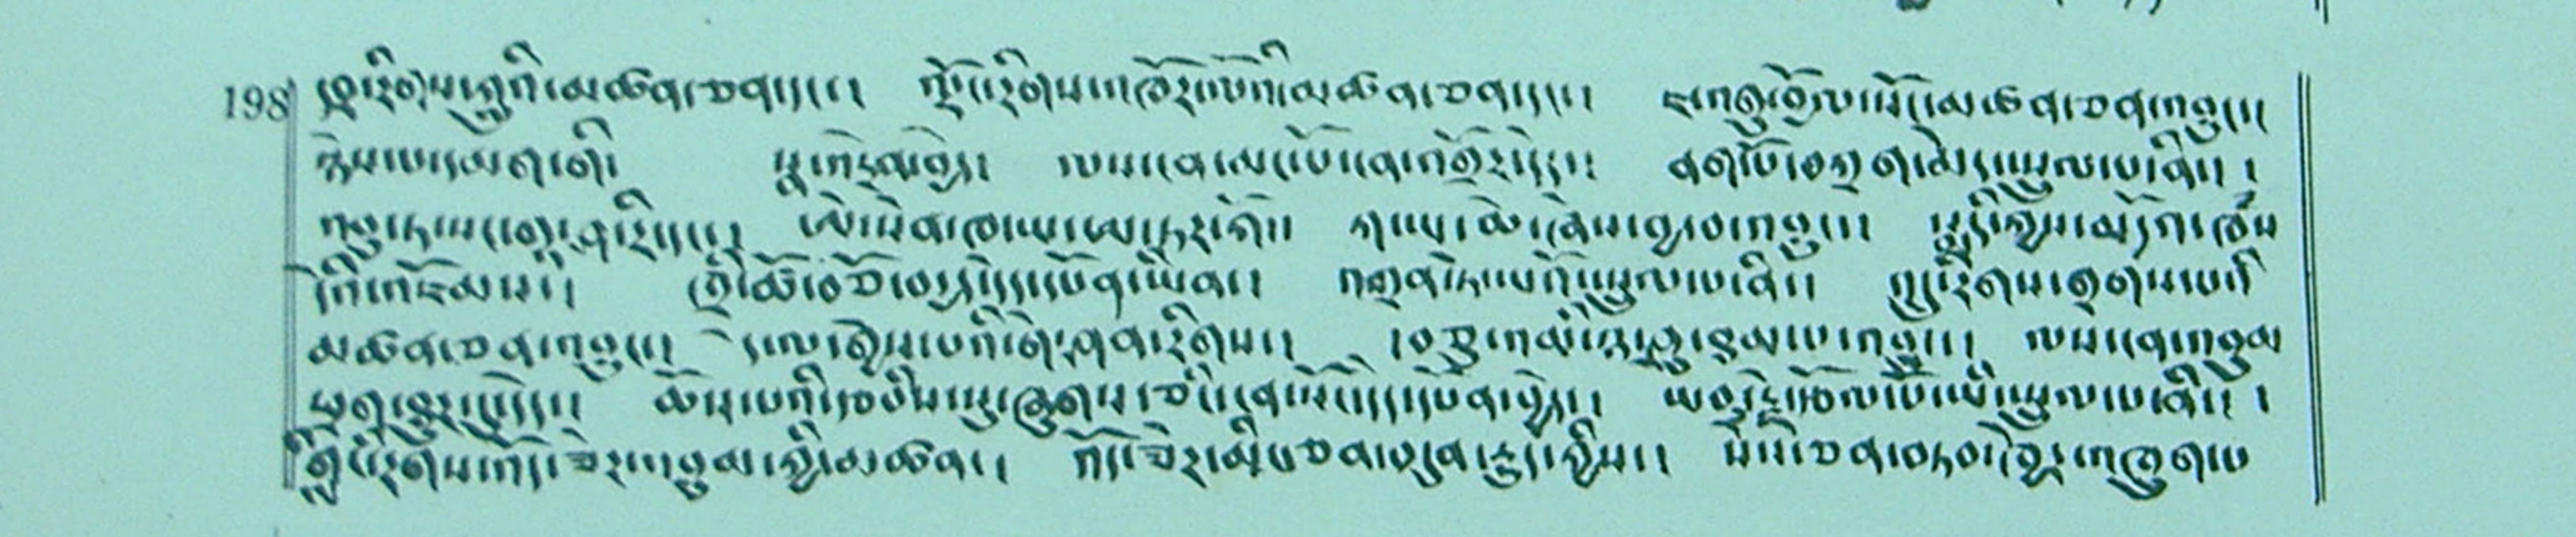དབྲ་རིགས་ཀླུ་ཡི་མཚན་ཅན་དང་། ལྡོང་རིགས་འཁོར་ལོའི་མཚན་ཅན་དང་། ཇ་དགུ་བྱོལ་སོང་མཚན་ཅན་འབྱུང་།
ཉེས་པ་དམག་གི་སྣ་འདྲེན་བྱེད། ལས་ངན་མང་པོ་ངན་འགྲོར་དེད། ནག་པོ་བཀྲག་མེད་སྤྲུལ་པ་ནི། 
འབུ་ཏ་སང་གྷ་ཤ་རི་དང་། ཨེ་སེན་ཁ་ཡ་ཨ་ཏར་ཀོ། ཀ་ཡ་ཆེ་ཞེས་བྱ་བ་འབྱུང་། སྨད་ཀྱི་མདོ་ཁམས་
དེ་ཡིས་འཇོམས། ཁྲི་ཚོ་བཅོ་བརྒྱད་དེད་དཔོན་ཡིན། འགྲན་ཏེ་ཡའོ་སྤྲུལ་པ་ནི། འདྲུ་རིགས་གྲགས་པའི་
མཚན་ཅན་འབྱུང་། དེ་ལ་གྱེས་པའི་གེ་ཤན་རིགས། བཅུ་འམ་ཉི་ཤུ་ཐམ་པ་འབྱུང་། ལས་ངན་འབུམ་
ཕྲག་ཐུར་དུ་དེད། ཆོས་པའི་རྩིབས་སུ་ཞུགས་ཅིང་ངན་སོང་དེད་དཔོན་བྱེད། ཡབ་རྗེ་རྩོལ་པོའི་སྤྲུལ་པ་ནི། 
གླིང་རིགས་འོད་ཟེར་འབུམ་གྱི་མཚན། འོད་ཟེར་མིང་ཅན་བདུན་རྒྱུད་ཀྱིས། སེམས་ཅན་བཏབ་ཁྱེར་འཁྲུག་པ་